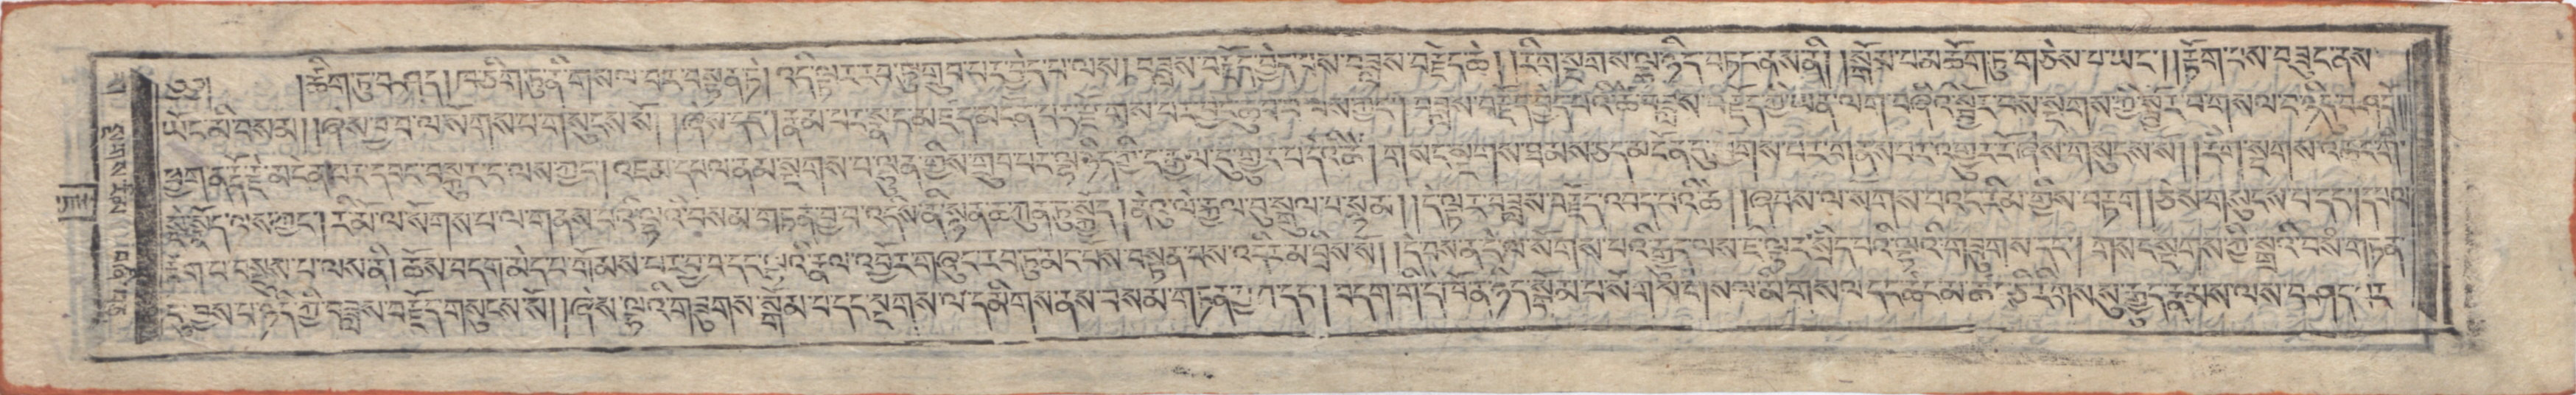༄༅། །ཚིག་ཏུ་བཤད། ཁ་ཅིག་ཏུ་ནི་གསལ་བར་བསྟན་ཏེ། འདི་ལྟར་རབ་ཏུ་གྲུབ་པར་བྱེད་པ་ལས། བཟླས་བརྗོད་བྱེད་པས་བཟླས་བརྗོད་ཆེ། །རིག་སྔགས་ལྷ་ཉིད་བཏང་ནས་ནི། །སྒོམ་པ་མཆོག་ཏུ་གཅེས་པ་ཡང་། །རྟོག་པས་བཟུང་ནས་
ཡོང་མི་བསམ། །ཞེས་བྱ་བ་ལ་སོགས་པ་གསུངས་སོ། །ཞེས་དང་། རྣམ་པར་སྣང་མཛད་མངོན་པར་རྫོགས་པར་བྱང་ཆུབ་པ་ལས་ཀྱང་། བཟླས་བརྗོད་བྱེད་པའི་ཚེ་བཟླས་བརྗོད་ཀྱི་ཡན་ལག་བཞིའི་སྦྱོར་བས་སྔགས་ཀྱི་སྦྱོར་བ་གསལ་བ་ཉིད་དུ་བཤད་དོ།།
ཕྱག་ན་རྡོ་རྗེ་མངོན་པར་དབང་བསྐུར་བ་ལས་ཀྱང་། འཇམ་དཔལ་ནམ་སྔགས་པ་ལྷུན་གྱིས་གྲུབ་པར་ལྷ་ཉིད་ཀྱི་ང་རྒྱལ་དུ་གྱུར་པ་དེའི་ཚེ། གསང་སྔགས་ཐམས་ཅད་མངོན་དུ་ཕྱོགས་པར་གནས་པར་འགྱུར་རོ་ཞེས་གསུངས་སོ། །རིག་སྔགས་འཆང་གི་
སྡེ་སྣོད་ལས་ཀྱང་། རི་མོ་ལ་སོགས་པ་ལ་གནས་པའི་ལྷའི་བསམ་གཏན་བྱ་བ་འདིས་ནི་སྙན་ཆ་ཀུན་ཏུ་སྐྱོད། ནེའུ་ལེ་རྐྱལ་བུ་སྒུལ་པ་སྙམ། །དེ་ལྟར་བཟླས་བརྗོད་འབད་པའི་ཆེ། །ཞབས་ལ་སོགས་པའང་རིམ་གྱིས་བརྟག །ཅེས་གསུངས་པ་དང་། དཔལ་
རྟོག་པ་བསྡུས་པ་ལས་ནི། ཆོས་བདག་མེད་པ་གོམས་པར་བྱ་བ་དང་ལྷའི་རྣལ་འབྱོར་གཞུང་རབ་ཏུ་མང་པོས་བསྟན་པས་འདིར་མ་བྲིས་སོ། །དེ་བས་ན་དེ་ལ་སོགས་པའི་རྒྱུད་ལས་ཇི་ལྟར་སྲིད་པའི་ལྷའི་གཟུགས་དང་། གསང་སྔགས་ཀྱི་སྒྲའི་བསམ་གཏན་
དུ་བྱས་པ་ཉིད་ཀྱི་བཟླས་བརྗོད་གསུངས་སོ། །ཞེས་ལྷའི་གཟུགས་སྒོམ་པ་དང་སྔགས་ལ་དམིགས་ནས་བསམ་གཏན་བྱ་བ་དང་། བདག་གི་དེ་ཁོ་ན་ཉིད་སྒོམ་པ་སོགས་གསལ་མི་གསལ་དང་ཚང་མ་ཚང་ཅི་རིགས་སུ་རྒྱུད་རྣམས་ལས་བཤད་པར་